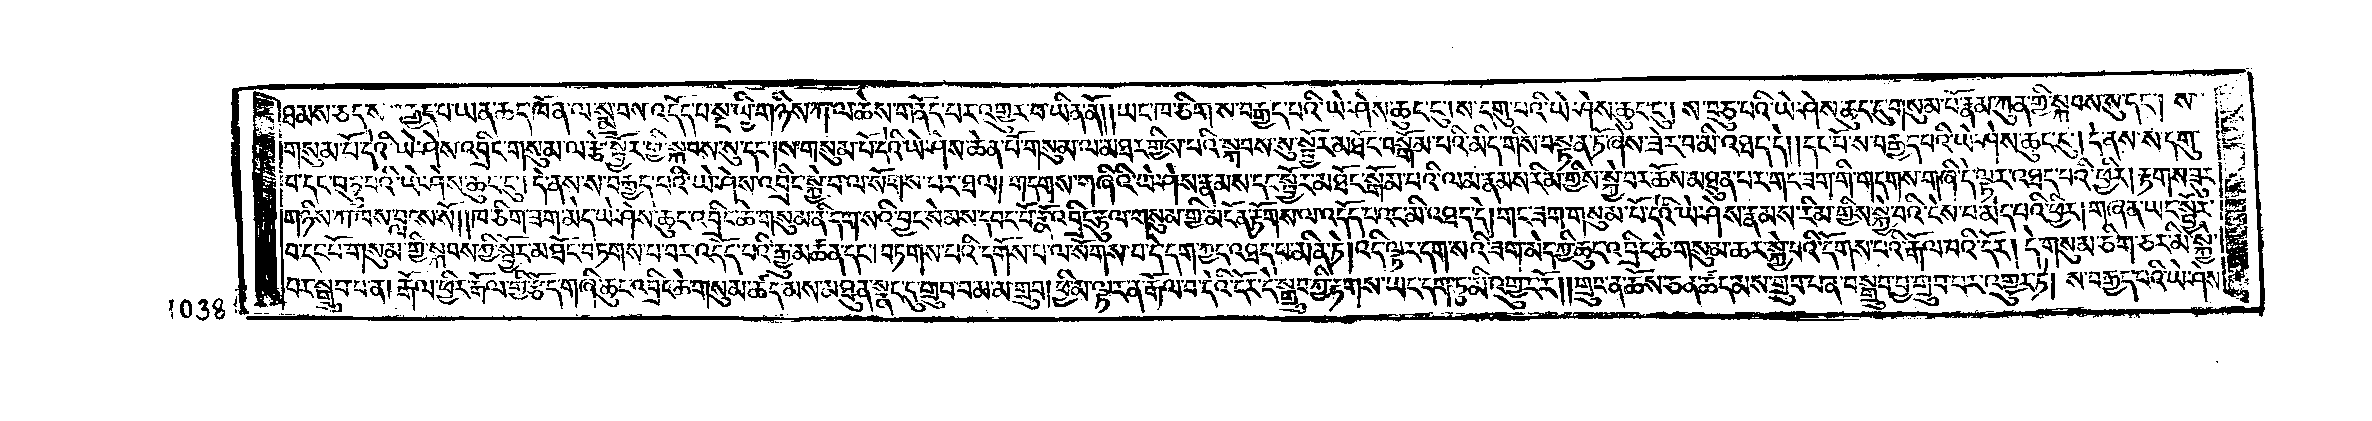ཐམས་ཅད་ས་བརྒྱད་པ་ཡན་ཆད་ཁོ་ན་ལ་སྨྲ་བས་འདོད་པ་སྔ་ཕྱི་གཉིས་ཀ་ལ་ཆེས་གནོད་པར་འགྱུར་བ་ཡིན་ནོ། །ཡང་ཁ་ཅིག་ས་བརྒྱད་པའི་ཡེ་ཤེས་ཆུང་ངུ། ས་དགུ་པའི་ཡེ་ཤེས་ཆུང་ངུ། ས་བཅུ་པའི་ཡེ་ཤེས་ཆུང་ངུ་གསུམ་པོ་རྣམ་ཀུན་གྱི་སྐབས་སུ་དང་། ས་
གསུམ་པོ་དེའི་ཡེ་ཤེས་འབྲིང་གསུམ་ལ་རྩེ་སྦྱོར་གྱི་སྐབས་སུ་དང་། ས་གསུམ་པོ་དེའི་ཡེ་ཤེས་ཆེན་པོ་གསུམ་ལ་མཐར་གྱིས་པའི་སྐབས་སུ་སྦྱོར་མཐོང་བསྒོམ་པའི་མིད་གིས་བསྟན་ཏོ་ཞེས་ཟེར་བ་མི་འཐད་དེ། །དང་པོ་ས་བརྒྱད་པའི་ཡེ་ཤེས་ཆུང་ངུ། དེ་ནས་ས་དགུ་
པ་དང་བཅུ་པའི་ཡེ་ཤེས་ཆུང་ངུ། དེ་ནས་ས་བརྒྱད་པའི་ཡེ་ཤེས་འབྲིང་སྐྱེ་བ་ལ་སོགས་པར་ཐལ། གདགས་གཞིའི་ཡེ་ཤེས་རྣམས་དང་སྦྱོར་མཐོང་སྒོམ་པའི་ལམ་རྣམས་རིམ་གྱིས་སྐྱེ་བར་ཆོས་མཐུན་པར་གང་ཟག་གི་གདགས་གཞི་དེ་ལྟར་འཐད་པའི་ཕྱིར། རྟགས་ཟུར་
གཉིས་ཀ་ཁས་བླངས་སོ། །ཁ་ཅིག་ཟག་མེད་ཡེ་ཤེས་ཆུང་འབྲིང་ཆེ་གསུམ་ནི་དག་སའི་བྱང་སེམས་དབང་པོ་རྣོ་འབྲིང་རྟུལ་གསུམ་གྱི་མངོན་རྟོགས་ལ་འདོད་པའང་མི་འཐད་དེ། གང་ཟག་གསུམ་པོ་དེའི་ཡེ་ཤེས་རྣམས་རིམ་གྱིས་སྐྱེ་བའི་ངེས་པ་མེད་པའི་ཕྱིར། གཞན་ཡང་སྦྱོར་
བ་དང་པོ་གསུམ་གྱི་སྐབས་ཀྱི་སྦྱོར་མཐོང་བཏགས་པ་བར་འདོད་པའི་རྒྱུ་མཚན་དང་། བཏགས་པའི་དགོས་པ་ལ་སོགས་པ་དེ་དག་ཀྱང་འཐད་པ་མིན་ཏེ། འདི་ལྟར་དག་སའི་ཟག་མེད་ཀྱི་ཆུང་འབྲིང་ཆེ་གསུམ་ཆར་སྐྱེ་པའི་དོགས་པའི་རྒོལ་བའི་དོར། དེ་གསུམ་ཅིག་ཅར་མི་སྐྱེ་
བར་སྒྲུབ་པ་ན། རྒོལ་ཕྱིར་རྒོལ་གྱི་རྩོད་གཞི་ཆུང་འབྲིང་ཆེ་གསུམ་ཚད་མས་མཐུན་སྣང་དུ་གྲུབ་བམ་མ་གྲུབ། ཕྱི་མ་ལྟར་ན་རྒོལ་བ་དེའི་ངོར་དེ་སྒྲུབ་ཀྱི་རྟགས་ཡང་དག་ཏུ་མི་འགྱུར་རོ། །གྲུབ་ན་ཆོས་ཅན་ཚད་མས་གྲུབ་པ་ན་བསྒྲུབ་བྱ་གྲུབ་པར་འགྱུར་ཏེ། ས་བརྒྱད་པའི་ཡེ་ཤེས་